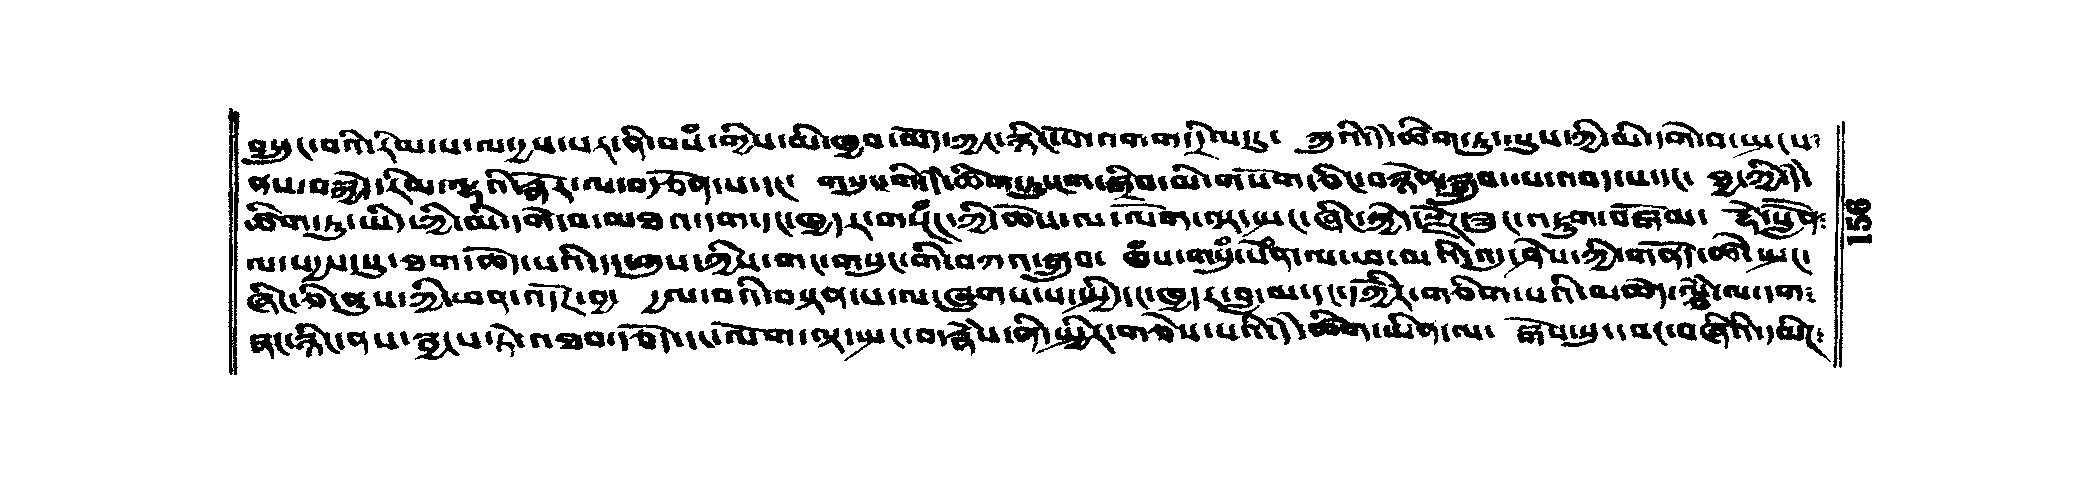བསྲུང་བའི་རིམ་པ་ལ་རྒྱས་པར་ནི་བསམ་གྱི་མི་ཁྱབ་མོད་ཀྱང་སྣྀག་པོ་འགག་དྲིལ་དུ། སྐུའི་དམ་ཚིག་ཏུ་ལུས་ཀྱི་མི་དགེ་བ་སྤངས་
ནས་བསྐྱེད་རིམ་ལྷའི་རྣལ་འབྱོར་ལ་བརྩོན་པ་དང་། གསུང་གི་དམ་ཚིག་ཏུ་ངག་སྒྲིབ་མི་གསོག་ཅིང་བསྙེན་སྒྲུབ་པ་འབད་པ་དང་། ཐུགས་ཀྱི་དམ་
ཚིག་ཏུ་ཡིད་ཀྱི་མི་དགེ་བ་མཐའ་དག་དང་ཁྱད་པར་གསང་སྔགས་ཀྱི་ཆོས་ལ་ལོག་ལྟ་སྤང་ཞིག་སྐྱེད་རྫོགས་ཟུང་འཇུག་བསྒོམ། རྡོ་རྗེ་སློབ་དཔོན་
ལ་སངས་རྒྱས་ཐག་ཆོད་པའི་དད་གུས་ཀྱིས་གང་གསུང་གི་བཀའ་སྒྲུབ། ཁམས་གསུམ་སེམས་ཅན་ལ་ཕ་མའི་འདུ་ཤེས་ཀྱི་གནོད་ཚེ་སྤང་
ཞིང་ཅི་ནུས་ཀྱི་ཕན་འདོགས་བྱ། རྒྱལ་བའི་བསྟན་པ་ལ་ཞུགས་པ་སྤྱི་དང་ཁྱད་པར་བླ་མ་དང་དཀྱིལ་འཁོར་གཅིག་པའི་མཆེད་ལྕམ་ལ་དག་
སྣང་ཉིང་ནས་སྦྱངས་ཏེ་འཐབ་རྩོད་དང་ལོག་ལྟ་སྤང་བ་རྣམས་ནི་སྤྱིར་གཅེས་པའི་དམ་ཚིག་ཡིན་ལ། སྒོས་སུ་དབང་བཞིའི་དམིགས་